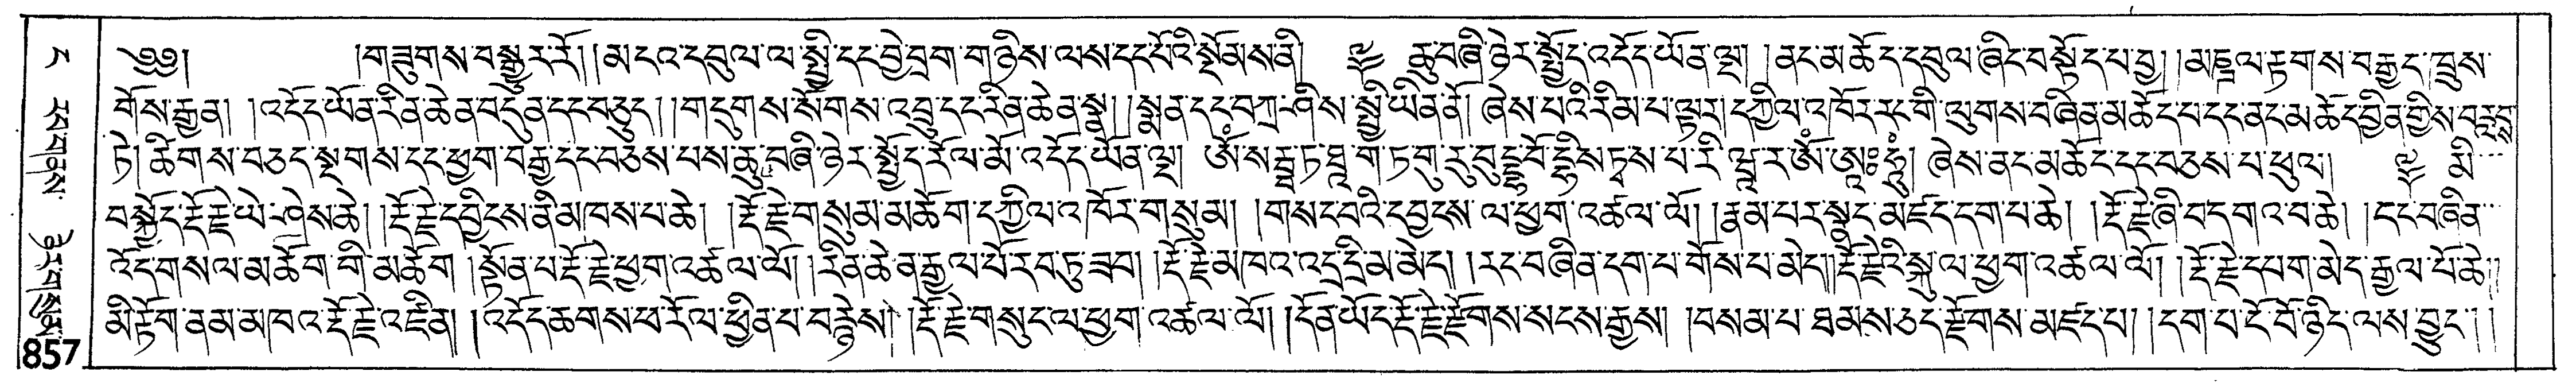༄༅། །གཟུགས་བསྒྱུར་རོ། །མངའ་དབུལ་ལ་སྤྱི་དང་བྱེ་བྲག་གཉིས་ལས་དང་པོའི་སྡོམས་ནི། ༈ ཆུ་བཞི་ཉེར་སྤྱོད་འདོད་ཡོན་ལྔ། །ནང་མཆོད་དབུལ་ཞིང་བསྟོད་པ་བྱ། །མཎྜལ་རྟགས་བརྒྱད་ཁྲུས་
གོས་རྒྱན། །འདོད་ཡོན་རིན་ཆེན་བདུན་དང་བཅུད། །གདུགས་སོགས་འབྲུ་དང་རིན་ཆེན་སྣ། །སྨན་དང་བཀྲ་ཤིས་སྤྱི་ཡིན་ནོ། ཞེས་པའི་རིམ་པ་ལྟར། དཀྱིལ་འཁོར་རང་གི་ལུགས་བཞིན་མཆོད་པ་དང་ནང་མཆོད་བྱིན་གྱིས་བརླབས་
ཏེ། ཚིགས་བཅད་སྔགས་དང་ཕྱག་བརྒྱ་དང་བཅས་པས་ཆུ་བཞི་ཉེར་སྤྱོད་རོལ་མོ་འདོད་ཡོན་ལྔ། ཨོཾ་སརྦྦ་ཏ་ཐཱ་ག་ཏ་གུ་རུ་བུདྡྷ་བོ་དྷི་སཏྭ་ས་པ་རི་ཝཱ་ར་ཨོཾ་ཨཱཿ ཧཱུཾ། ཞེས་ནང་མཆོད་དང་བཅས་པ་ཕུལ། ༈ མི་
བསྐྱོད་རྡོ་རྗེ་ཡེ་ཤེས་ཆེ། །རྡོ་རྗེ་དབྱིངས་ནི་མཁས་པ་ཆེ། །རྡོ་རྗེ་གསུམ་མཆོག་དཀྱིལ་འཁོར་གསུམ། །གསང་བའི་དབྱངས་ལ་ཕྱག་འཚལ་ལོ། །རྣམ་པར་སྣང་མཛད་དག་པ་ཆེ། །རྡོ་རྗེ་ཞི་བ་དགའ་བ་ཆེ། །ངང་བཞིན་
འོད་གསལ་མཆོག་གི་མཆོག །སྟོན་པ་རྡོ་རྗེ་ཕྱག་འཚལ་ལོ། །རིན་ཆེན་རྒྱལ་པོ་རབ་ཏུ་ཟབ། །རྡོ་རྗེ་མཁའ་འདྲ་དྲི་མ་མེད། །རང་བཞིན་དག་པ་གོས་པ་མེད། །རྡོ་རྗེའི་སྐུ་ལ་ཕྱག་འཚལ་ལོ། །རྡོ་རྗེ་དཔག་མེད་རྒྱལ་པོ་ཆེ། །
མི་རྟོག་ནམ་མཁའ་རྡོ་རྗེ་འཛིན། །འདོད་ཆགས་ཕ་རོལ་ཕྱིན་པ་བརྙེས། །རྡོ་རྗེ་གསུང་ལ་ཕྱག་འཚལ་ལོ། །དོན་ཡོད་རྡོ་རྗེ་རྫོགས་སངས་རྒྱས། །བསམ་པ་ཐམས་ཅད་རྫོགས་མཛད་པ། །དག་པ་ངོ་བོ་ཉིད་ལས་བྱུང་། །